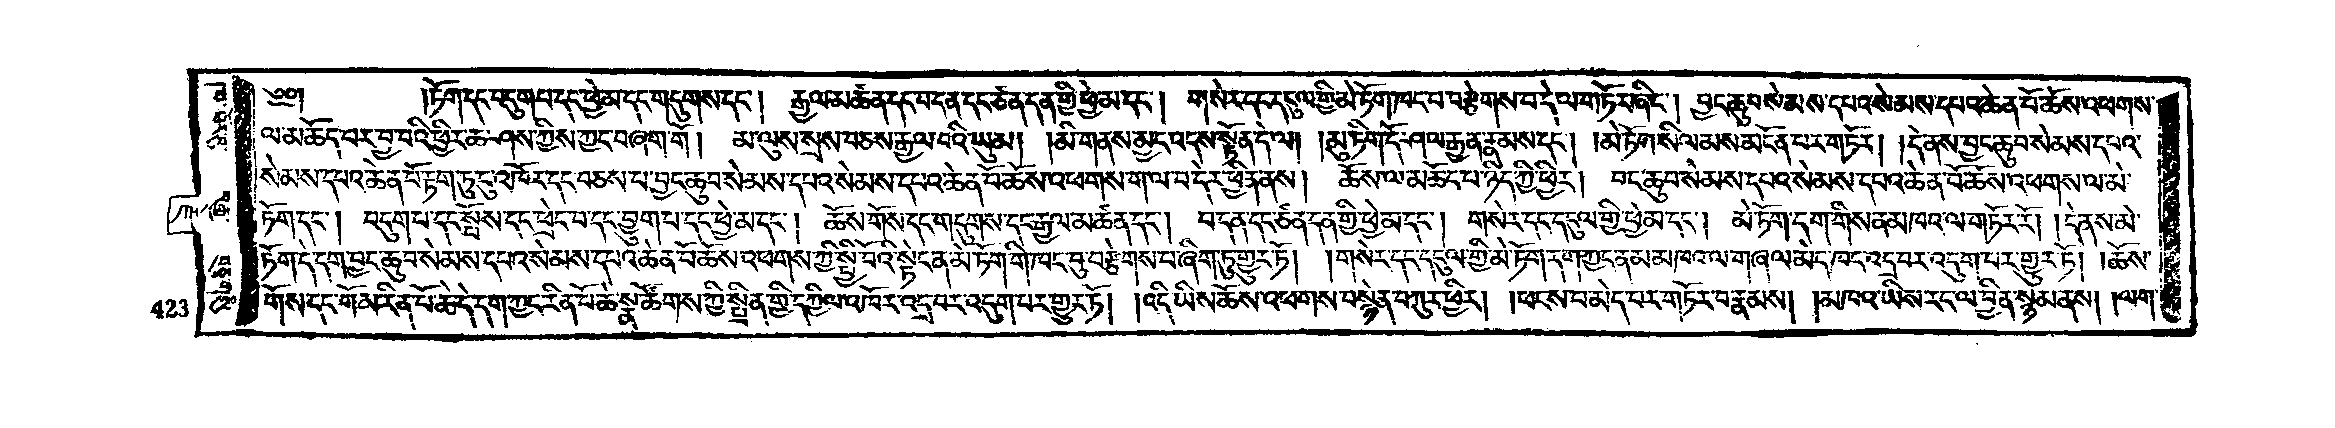༄༅། །ཏོག་དང་བདུག་པ་དང་ཕྱེ་མ་དང་གདུགས་དང་། རྒྱལ་མཚན་དང་བ་དན་དང་ཙན་དན་གྱི་ཕྱེ་མ་དང་། གསེར་དང་དངུལ་གྱི་མེ་ཏོག་ཁང་པ་བརྩེགས་པ་དེ་ལ་གཏོར་ཞིང་། བྱང་ཆུབ་སེམས་དཔའ་སེམས་དཔའ་ཆེན་པོ་ཆོས་འཕགས་
ལ་མཆོད་པར་བྱ་བའི་ཕྱིར་ཆ་ཤས་ཀྱིས་ཀྱང་བཞག་གོ །མ་ལུས་སྲས་བཅས་རྒྱལ་བའི་ཡུམ། །མི་གནས་མྱང་འདས་སྟོན་དེ་ལ། །མུ་ཏིག་དོ་ཤལ་རྒྱན་རྣམས་དང་། །མེ་ཏོག་སིལ་མས་མངོན་པར་གཏོར། །དེ་ནས་བྱང་ཆུབ་སེམས་དཔའ་
སེམས་དཔའ་ཆེན་པོ་རྟག་ཏུ་ངུ་འཁོར་དང་བཅས་པ་བྱང་ཆུབ་སེམས་དཔའ་སེམས་དཔའ་ཆེན་པོ་ཆོས་འཕགས་ག་ལ་བ་དེར་ཕྱིན་ནས། ཆོས་ལ་མཆོད་པ་ཉིད་ཀྱི་ཕྱིར། བྱང་ཆུབ་སེམས་དཔའ་སེམས་དཔའ་ཆེན་པོ་ཆོས་འཕགས་ལ་མེ་
ཏོག་དང་། བདུག་པ་དང་སྤོས་དང་ཕྲེང་བ་དང་བྱུག་པ་དང་ཕྱེ་མ་དང་། ཆོས་གོས་དང་གདུགས་དང་རྒྱལ་མཚན་དང་། བ་དན་དང་ཙན་དན་གྱི་ཕྱེ་མ་དང་། གསེར་དང་དངུལ་གྱི་ཕྱེ་མ་དང་། མེ་ཏོག་དག་གིས་ནམ་མཁའ་ལ་གཏོར་རོ། །དེ་ནས་མེ་
ཏོག་དེ་དག་བྱང་ཆུབ་སེམས་དཔའ་སེམས་དཔའ་ཆེན་པོ་ཆོས་འཕགས་ཀྱི་སྤྱི་བོའི་སྟེང་ན་མེ་ཏོག་གི་ཁང་བུ་བརྩེགས་པ་ཞིག་ཏུ་གྱུར་ཏོ། །གསེར་དང་དངུལ་གྱི་མེ་ཏོག་དག་ཀྱང་ནམ་མཁའ་ལ་གཞལ་མེད་ཁང་འདྲ་བར་འདུག་པར་གྱུར་ཏོ། །ཆོས་
གོས་དང་གོས་རིན་པོ་ཆེ་དེ་དག་ཀྱང་རིན་པོ་ཆེ་སྣ་ཚོགས་ཀྱི་སྤྲིན་གྱི་དཀྱིལ་འཁོར་འདྲ་བར་འདུག་པར་གྱུར་ཏོ། །འདི་ཡིས་ཆོས་འཕགས་བསྙེན་བཀུར་ཕྱིར། །ཕངས་པ་མེད་པར་གཏོར་བ་རྣམས། །མཁའ་ཡིས་རང་ལ་བྱིན་སྙམ་ནས། །ལག་